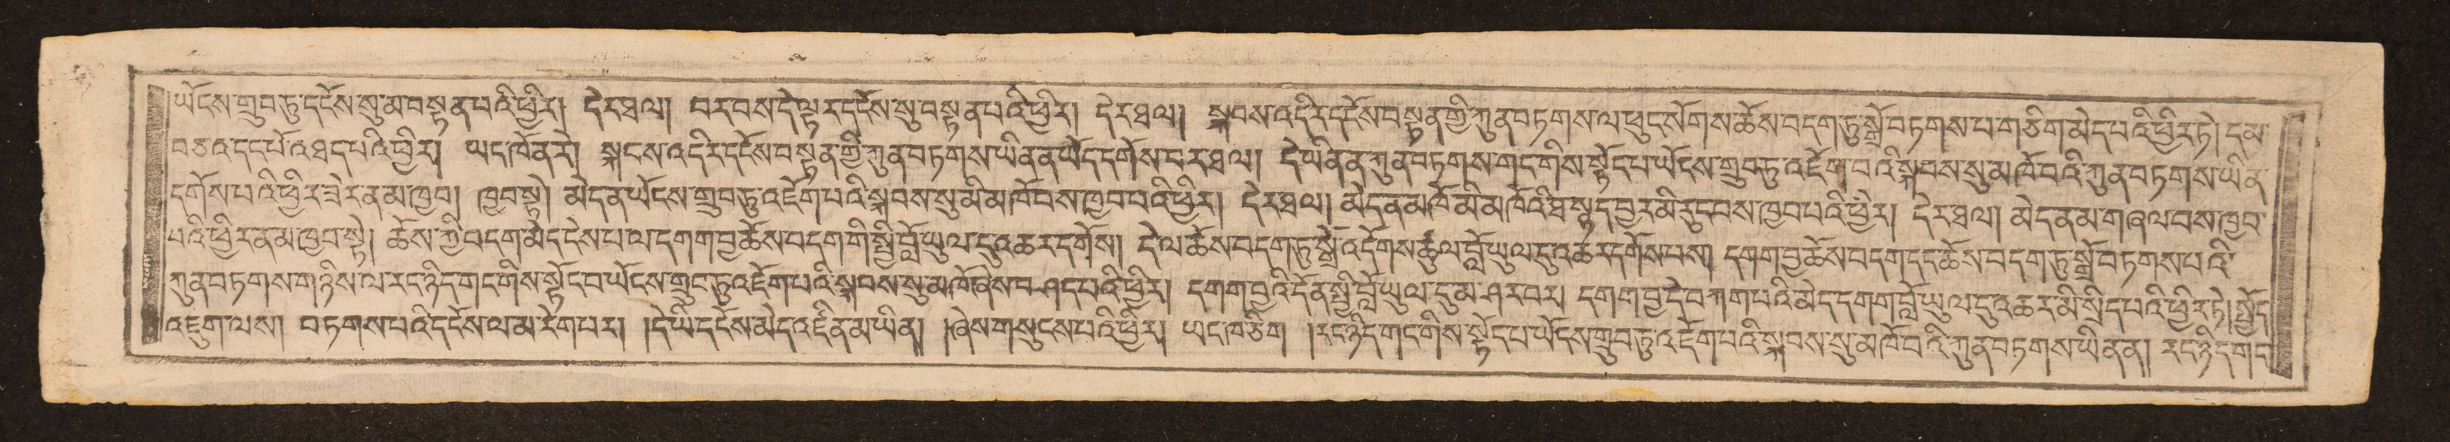ཡོངས་གྲུབ་ཏུ་དངོས་སུ་མ་བསྟན་པའི་ཕྱིར། དེར་ཐལ། བར་བས་དེ་ལྟར་དངོས་སུ་བསྟན་པའི་ཕྱིར། དེར་ཐལ། སྐབས་འདིར་དངོས་བསྟན་གྱི་ཀུན་བཏགས་ལ་ཕུང་སོགས་ཆོས་བདག་ཏུ་སྒྲོ་བཏགས་པ་གཅིག་མེད་པའི་ཕྱིར་ཏེ། དམ་
བཅའ་དང་པོ་འཐད་པའི་ཕྱིར། ཡང་ཁོ་ན་རེ། སྐབས་འདིར་དངོས་བསྟན་གྱི་ཀུན་བཏགས་ཡིན་ན་ཡོད་དགོས་པར་ཐལ། དེ་ཡིན་ན་ཀུན་བཏགས་གང་གིས་སྟོང་པ་ཡོངས་གྲུབ་ཏུ་འཇོག་པའི་སྐབས་སུ་མཁོ་བའི་ཀུན་བཏགས་ཡིན་
དགོས་པའི་ཕྱིར་ཟེར་ན་མ་ཁྱབ། ཁྱབ་སྟེ། མེད་ན་ཡོངས་གྲུབ་ཏུ་འཇོག་པའི་སྐབས་སུ་མི་མཁོ་བས་ཁྱབ་པའི་ཕྱིར། དེར་ཐལ། མེད་ན་མཁོ་མི་མཁོའི་ཐ་སྙད་བྱར་མི་རུང་བས་ཁྱབ་པའི་ཕྱིར། དེར་ཐལ། མེད་ན་མ་གཞལ་བས་ཁྱབ་
པའི་ཕྱིར་ན་མ་ཁྱབ་སྟེ། ཆོས་ཀྱི་བདག་མེད་ངེས་པ་ལ་དགག་བྱ་ཆོས་བདག་གི་སྤྱི་བློ་ཡུལ་དུ་འཆར་དགོས། དེ་ལ་ཆོས་བདག་ཏུ་སྒྲོ་འདོགས་ཚུལ་བློ་ཡུལ་དུ་འཆར་དགོས་པས། དགག་བྱ་ཆོས་བདག་དང་ཆོས་བདག་ཏུ་སྒྲོ་བཏགས་པའི་
ཀུན་བཏགས་གཉིས་ལ་རང་ཉིད་གང་གིས་སྟོང་པ་ཡོངས་གྲུབ་ཏུ་འཇོག་པའི་སྐབས་སུ་མཁོ་ཞེས་བཤད་པའི་ཕྱིར། དགག་བྱའི་དོན་སྤྱི་བློ་ཡུལ་དུ་མ་ཤར་བར། དགག་བྱ་དེ་བཀག་པའི་མེད་དགག་བློ་ཡུལ་དུ་འཆར་མི་སྲིད་པའི་ཕྱིར་ཏེ། སྤྱོད་
འཇུག་ལས། བཏགས་པའི་དངོས་ལ་མ་རེག་པར། །དེ་ཡི་དངོས་མེད་འཛིན་མ་ཡིན། །ཞེས་གསུངས་པའི་ཕྱིར། ཡང་ཁ་ཅིག །རང་ཉིད་གང་གིས་སྟོང་པ་ཡོངས་གྲུབ་ཏུ་འཇོག་པའི་སྐབས་སུ་མཁོ་བའི་ཀུན་བཏགས་ཡིན་ན། རང་ཉིད་གང་